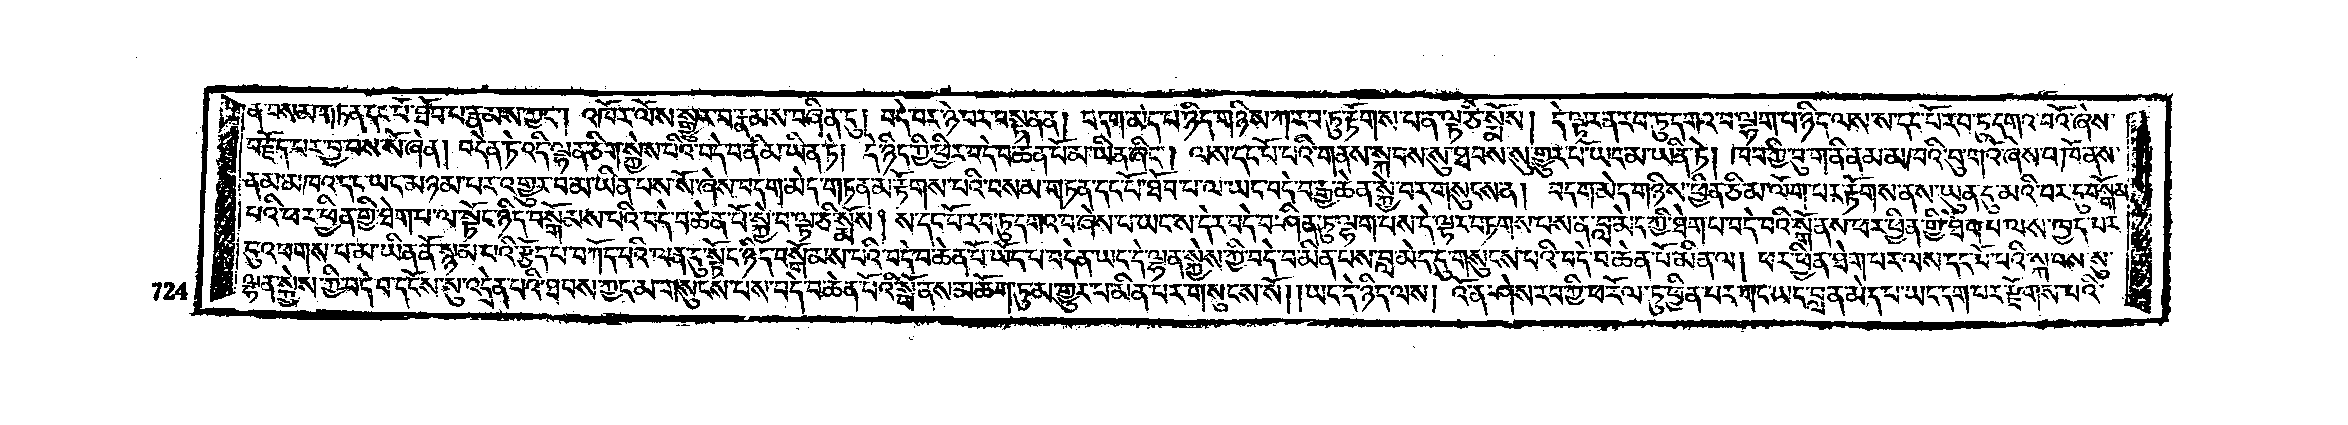ན་བསམ་གཏན་དང་པོ་ཐོབ་པ་རྣམས་ཀྱང་། འཁོར་ལོས་སྒྱུར་བ་རྣམས་བཞིན་དུ། བདེ་བར་ཉེ་བར་བསྟན་ན། བདག་མེད་པ་ཉིད་གཉིས་ཀ་རབ་ཏུ་རྟོགས་པ་ན་ལྟ་ཅི་སྨོས། དེ་ལྟར་ན་རབ་ཏུ་དགའ་བ་ལྷག་པ་ཉིད་ལས་ས་དང་པོ་རབ་ཏུ་དགའ་བའོ་ཞེས་
བརྗོད་པར་བྱ་བས་སོ་ཞེ་ན། བདེན་ཏེ་འདི་ལྷན་ཅིག་སྐྱེས་པའི་བདེ་བ་ནི་མ་ཡིན་ཏེ། དེ་ཉིད་ཀྱི་ཕྱིར་བདེ་བ་ཆེན་པོ་མ་ཡིན་ཞིང་། ལས་དང་པོ་པའི་གནས་སྐབས་སུ་ཐབས་སུ་གྱུར་པ་ཡང་མ་ཡིན་ཏེ། ཁབ་ཀྱི་བུ་ག་ནི་ནམ་མཁའི་བུ་གའོ་ཞེས་པ་ཁོ་ནས་
ནམ་མཁའ་དང་ཡང་མཉམ་པར་འགྱུར་བ་མ་ཡིན་པས་སོ་ཞེས་བདག་མེད་གཏན་མ་རྟོགས་པའི་བསམ་གཏན་དང་པོ་ཐོབ་པ་ལ་ཡང་བདེ་བ་རྒྱ་ཆེན་སྐྱེ་བར་གསུངས་ན། བདག་མེད་གཉིས་ཕྱིན་ཅི་མ་ལོག་པར་རྟོགས་ནས་ཡུན་དུ་མའི་བར་དུ་བསྒོམ་
པའི་ཕར་ཕྱིན་གྱི་ཐེག་པ་ལ་སྟོང་ཉིད་བསྒོམས་པའི་བདེ་བ་ཆེན་པོ་སྐྱེ་བ་ལྟ་ཅི་སྨོས། ས་དང་པོ་རབ་ཏུ་དགའ་བ་ཞེས་པ་ཡང་ས་དེར་བདེ་བ་ཤིན་ཏུ་ལྷག་པས་དེ་ལྟར་བཏགས་པས་ན་བླ་མེད་ཀྱི་ཐེག་པ་བདེ་བའི་སྒོ་ནས་ཕར་ཕྱིན་གྱི་ཐེག་པ་ལས་ཁྱད་པར་
དུ་འཕགས་པ་མ་ཡིན་ནོ་སྙམ་པའི་རྩོད་པ་བཀོད་པའི་ལན་དུ་སྟེང་ཉིད་བསྒོམས་པའི་བདེ་བ་ཆེན་པོ་ཡོད་པ་བདེན་ཡང་དེ་ལྷན་སྐྱེས་ཀྱི་བདེ་བ་མིན་པས་བླ་མེད་དུ་གསུངས་པའི་བདེ་བ་ཆེན་པོ་མིན་ལ། ཕར་ཕྱིན་ཐེག་པར་ལས་དང་པོ་པའི་སྐབས་སུ་
ལྷན་སྐྱེས་ཀྱི་བདེ་བ་དངོས་སུ་འདྲེན་པའི་ཐབས་ཀྱང་མ་གསུངས་པས་བདེ་བ་ཆེན་པོའི་སྒོ་ནས་མཆོག་ཏུ་མ་གྱུར་པ་མིན་པར་གསུངས་སོ། །ཡང་དེ་ཉིད་ལས། འོ་ན་ཤེས་རབ་ཀྱི་ཕ་རོལ་ཏུ་ཕྱིན་པར་གང་ཡང་བླ་ན་མེད་པ་ཡང་དག་པར་རྫོགས་པའི་